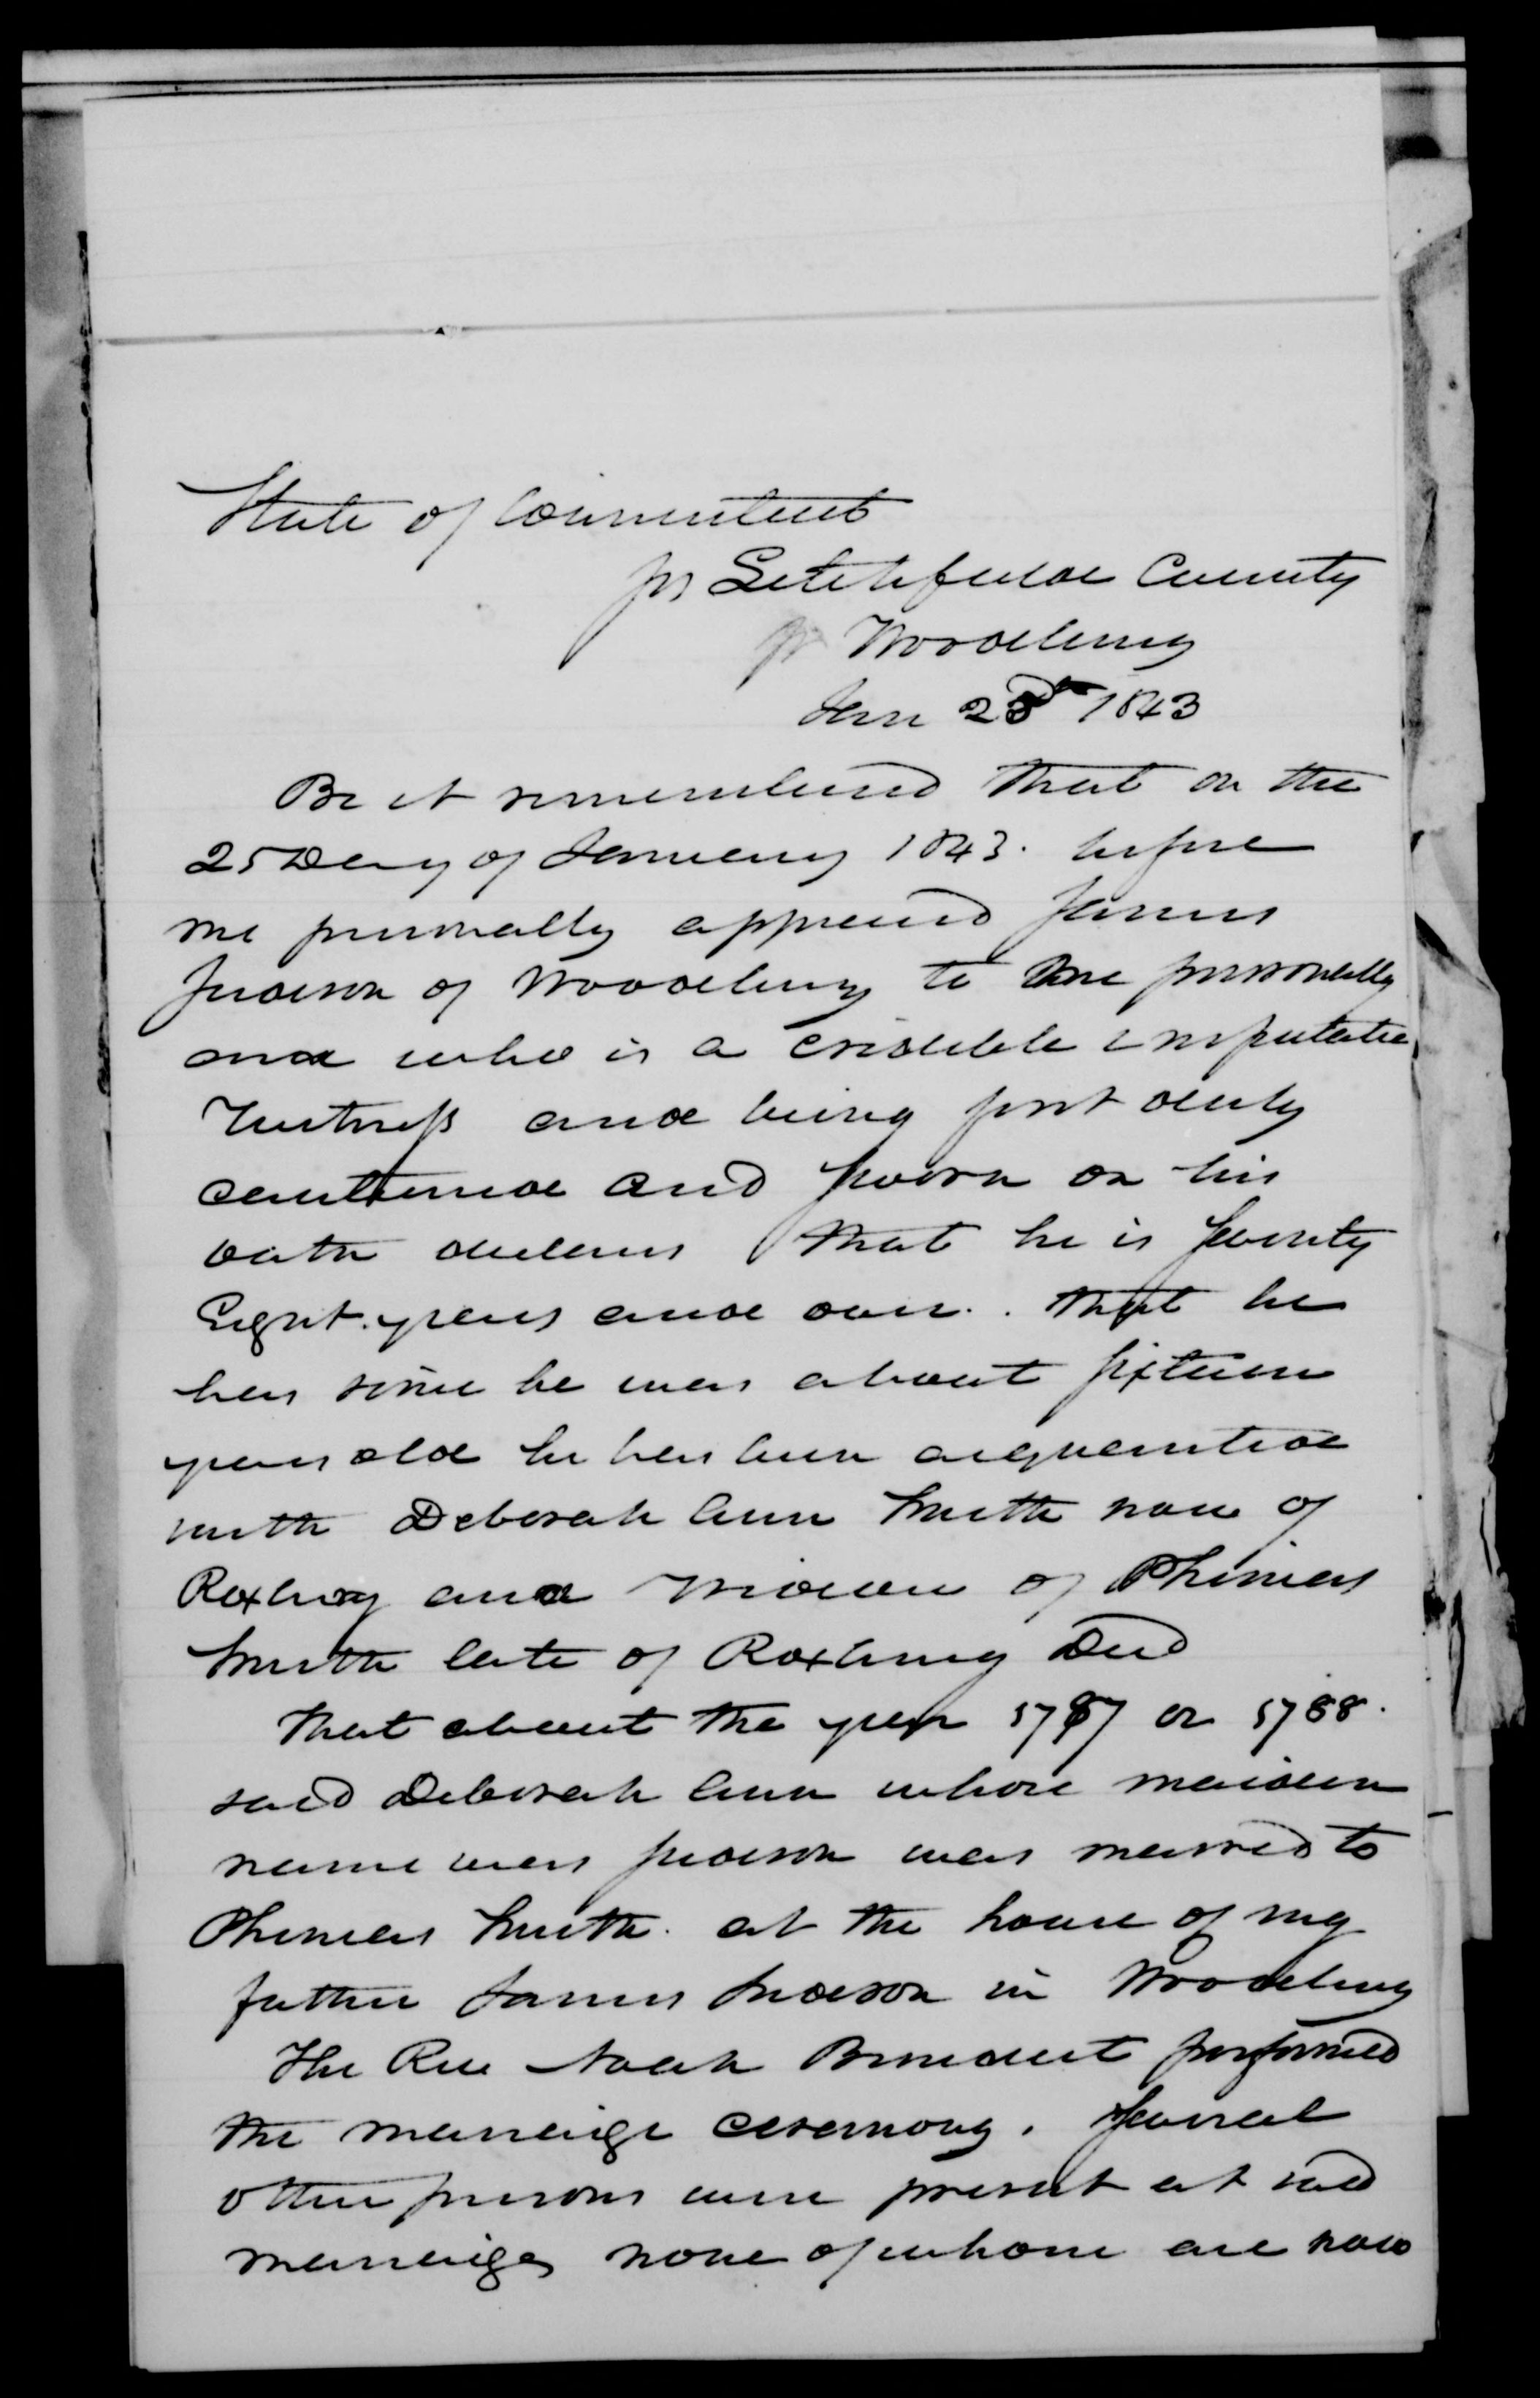State of Connecticut ss Litchfield County Woodbury  
Jan 25th 1843 
Be it remembered that on the 25 day of January 1843  before me personally appeared James Judson of Woodbury to me personally and who is a credible reputable Witness and being first duly cautioned and sworn on his oath declares that he is seventy Eight years and over, that he has since he was about sixteen years old he has been acquainted with Deborah Ann Smith now of Roxbury and widow of Thomas Smith late of Roxbury Dec’d.   
That about the year 1777 or 1788 said Deborah Ann whose maiden name was Judson was married to Phineas Smith at the house of my father James Judson in Woodbury, The Rev Noah Benedict performed the marriage ceremony.  Several other persons were present at said marrige none of whom are now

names: James Judson; Deborah Ann Smith; Phineas Smith; James Judson; Noah Benedict; Phineas Smith; Deborah Ann [BLANK]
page: 16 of 55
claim: widow's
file: W. 11480, for Phinehas Smith, Connecticut